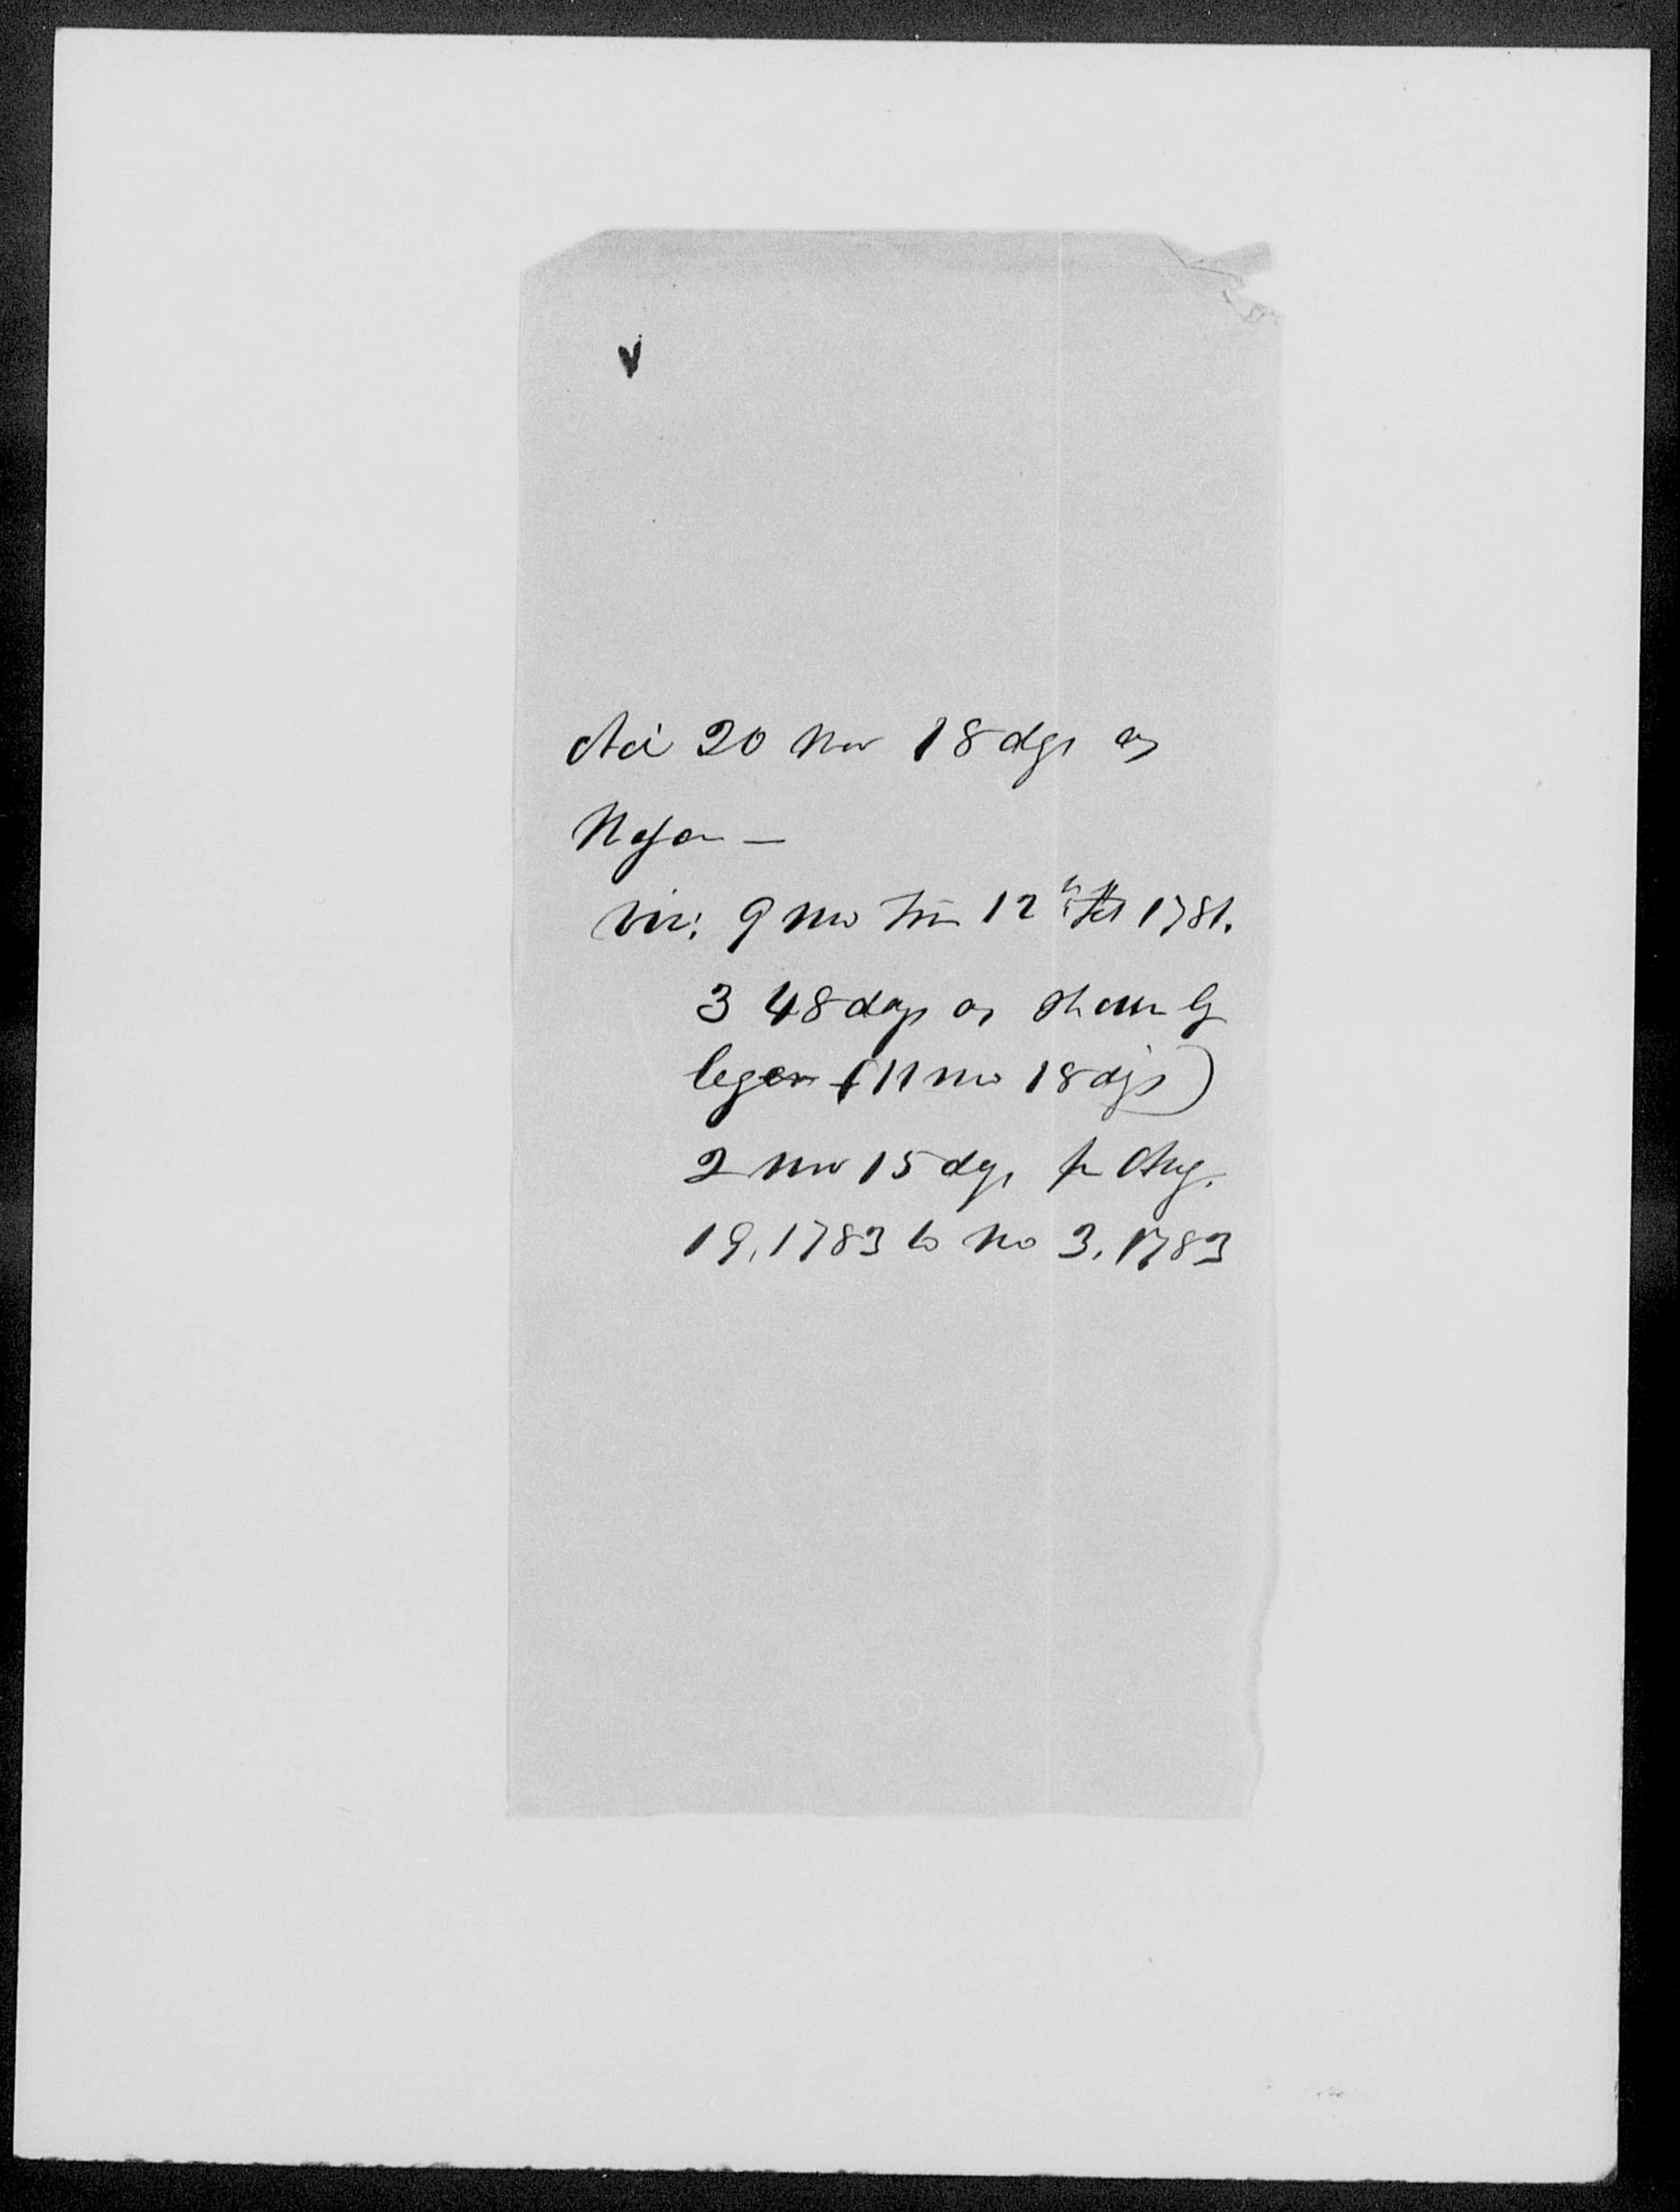V


Aci   20 Mo  18 dys  as
Major ___

Viz:  9 mo  this 12th Feb 1781.
348 days as shown by leger-- (11 months  18 dys)
2 mo. 15 dys for Aug. 19, 1783 to Nov 3, 1783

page: 47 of 267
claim: widow's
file: W. 4,149, William Campbell, Va.